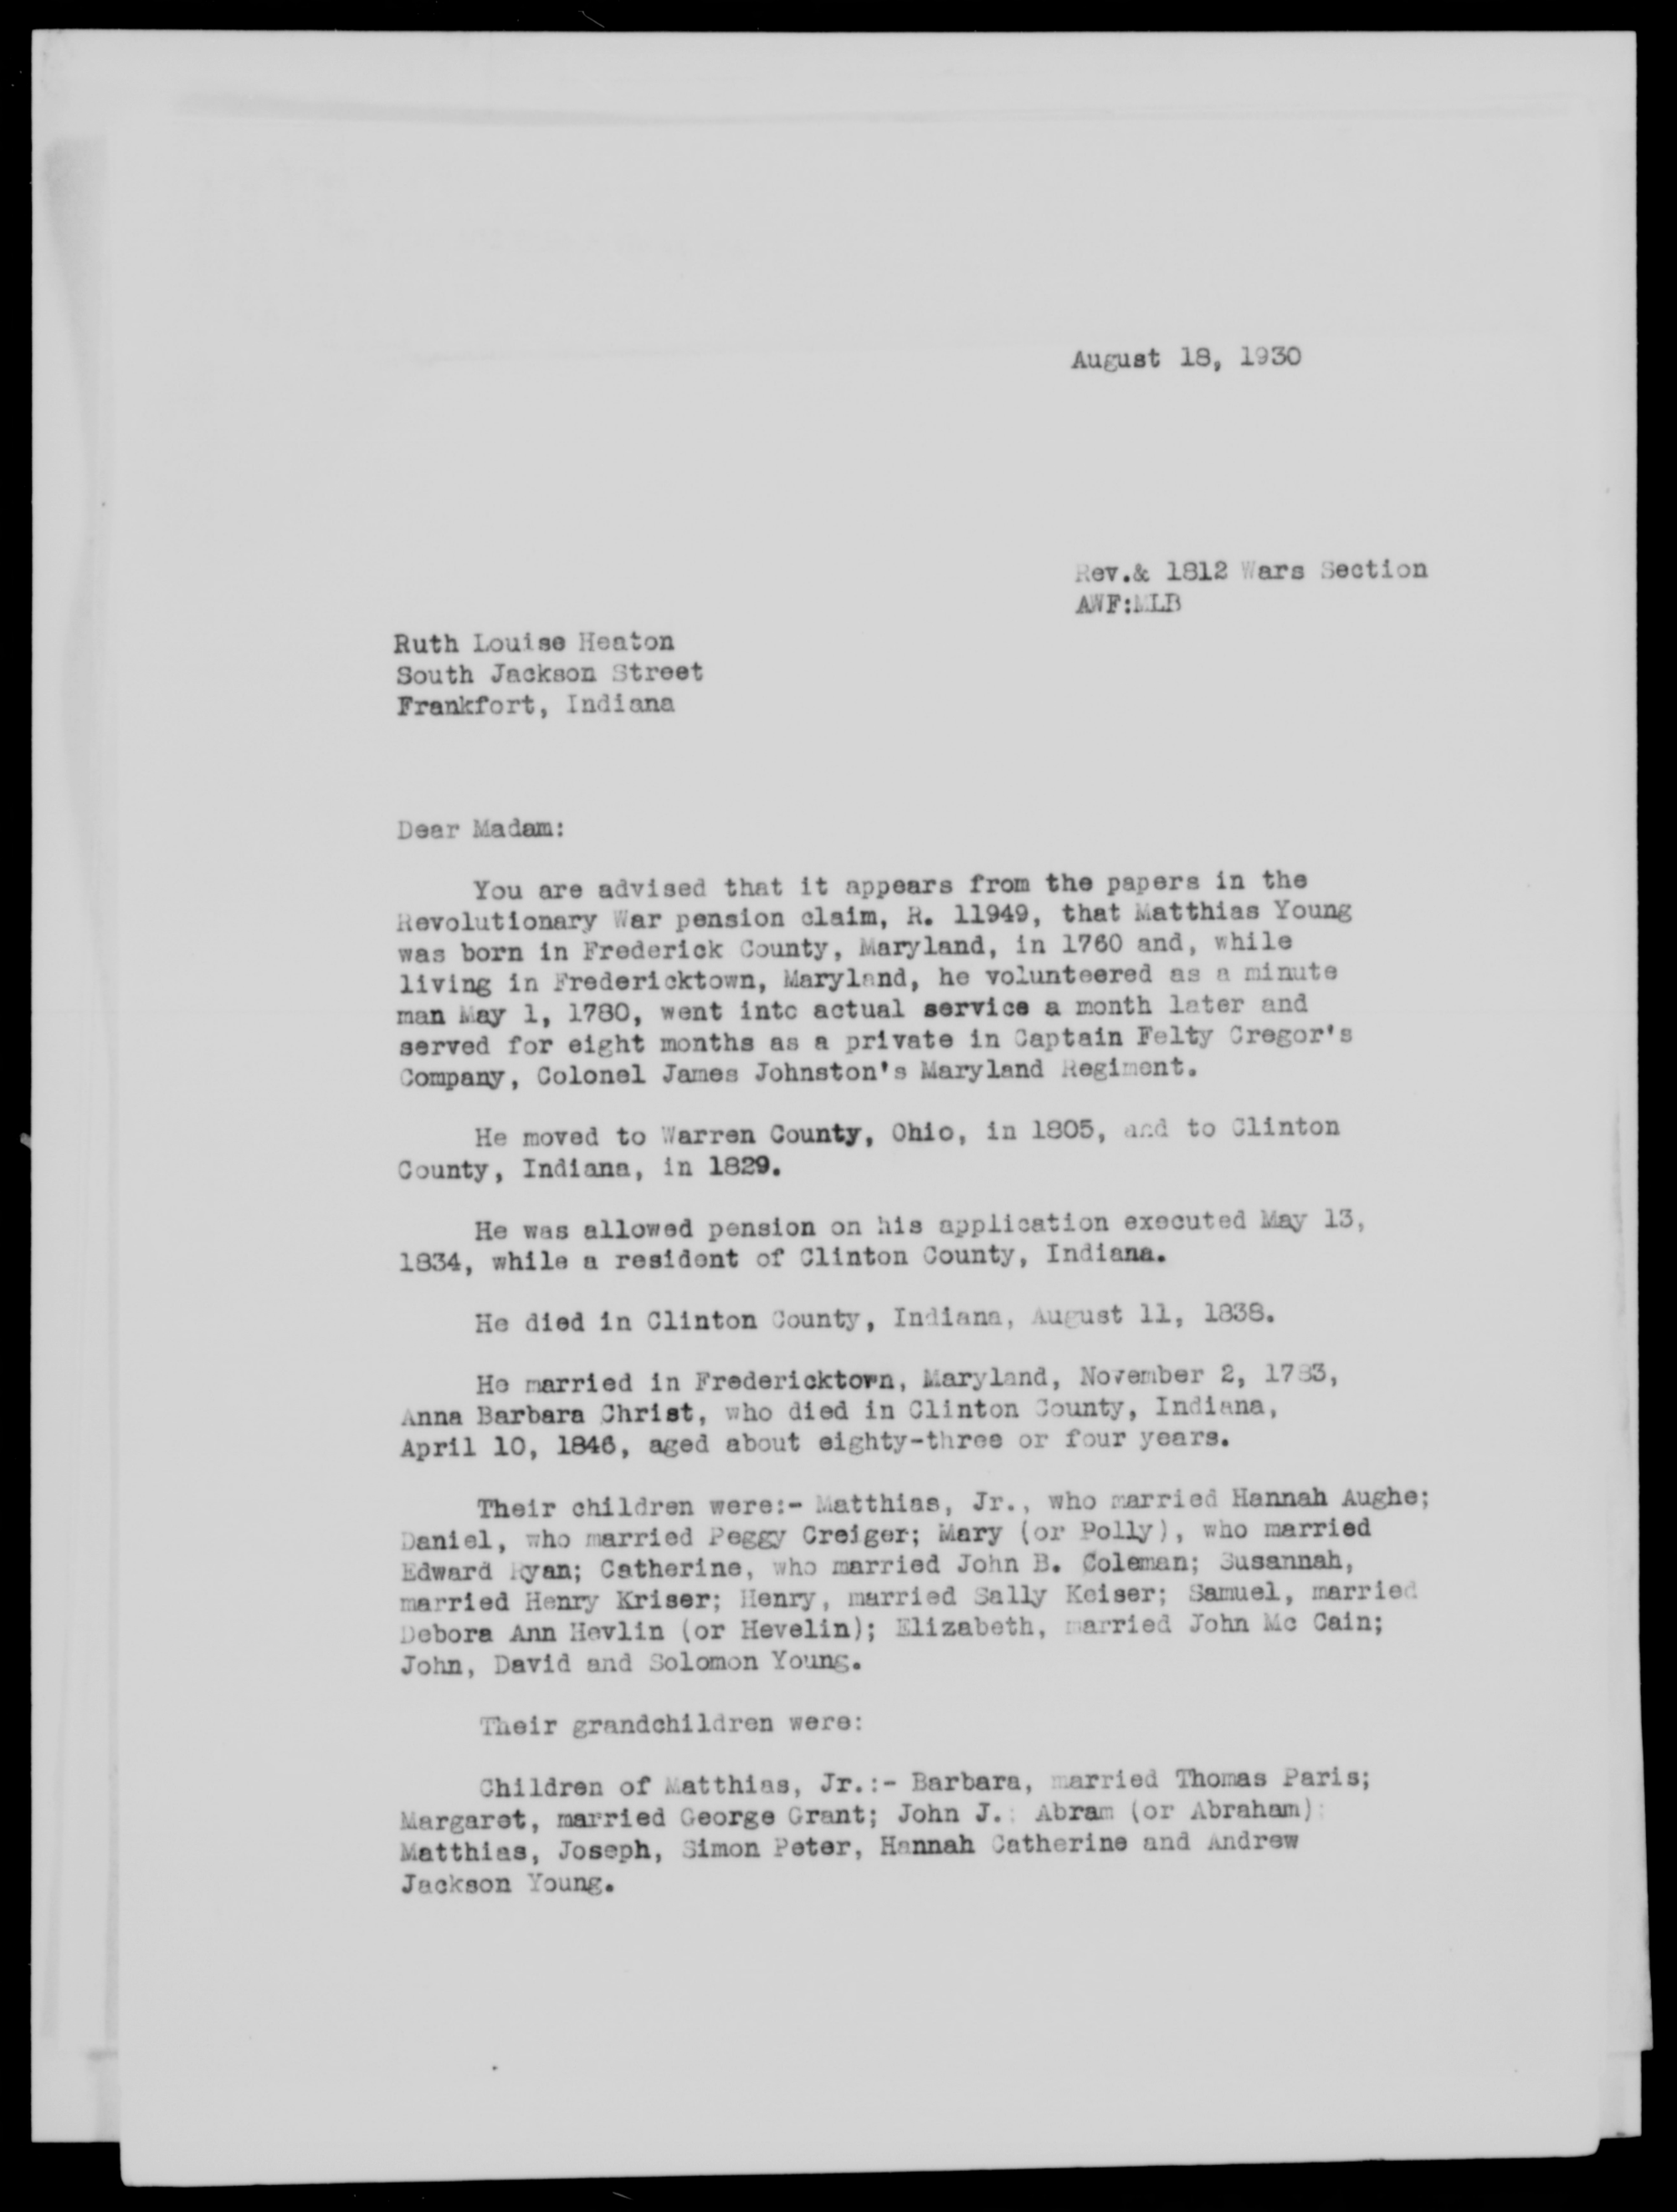August 18, 1930
Rev. & 1812 Wars Section
AWF: MLB

Ruth Louise Heaton
South Jackson Street
Frankfort, Indiana
Dear Madam:

You are advised that it appears from the papers in the Revolutionary War pension claim, R. 11949, that Matthias Young was born in Frederick County, Maryland, in 1760 and while living in Fredericktown, Maryland, he volunteered as a minute man May 1, 1780, went into actual service a month later and
served for eight months as a private in Captain Felty Cregor's Company, Colonel James Johnston's Maryland Regiment. 

He moved to Warren County, Ohio, in 1805, and to Clinton County, Indiana, in 1829.

He was allowed pension on his application executed May 13, 1834, while a resident of Clinton County, Indiana.

He died in Clinton County, Indiana, August 11, 1838.

He married in Fredericktown, Maryland, November 2, 1783, Anna Barbara Christ, who died in Clinton County, Indiana, April 10, 1846, aged about eighty-three or four years.

Their children were: -- Matthias, Jr., who married Hannah Aughe; Daniel, who married Peggy Creiger; Mary (r Polly), who married Edward Ryan; Catherine, who married John B. Coleman; Susannah, married Henry Kriser; Henry, married Sally Keiser; Samuel, married Debora Ann Hevlin (or Hevelin); Elizabeth, married John McCain; John, David and Solomon Young.

Their grandchildren were:
Children of Matthias, Jr. -- Barbara, married Thomas Paris; Margaret, married George Grant, John J. Abram (or Abraham), Matthias, Joseph, Simon Peter, Hannah Catherine and Andrew Jackson Young.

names: Daniel, John B Coleman, John, Thomas Paris, Margaret, John J, David, Sally Keiser, Mary, Hannah Catherine, Anna Barbara Christ, Susannah, Samuel, Hannah Aughe, Edward Ryan, John Mc Cain, Andrew Jackson Young, Abraham, Solomon Young, Catherine, Polly, Abram, Henry Kriser, Ruth Louise Heaton, Peggy Creiger, Elizabeth, George Grant, Barbara, Debora Ann Hevlin, Joseph, Matthias Young, Debora Ann Hevelin, Simon Peter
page: 47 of 123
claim: rejected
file: R. 11,949, Matthias Young, Md.